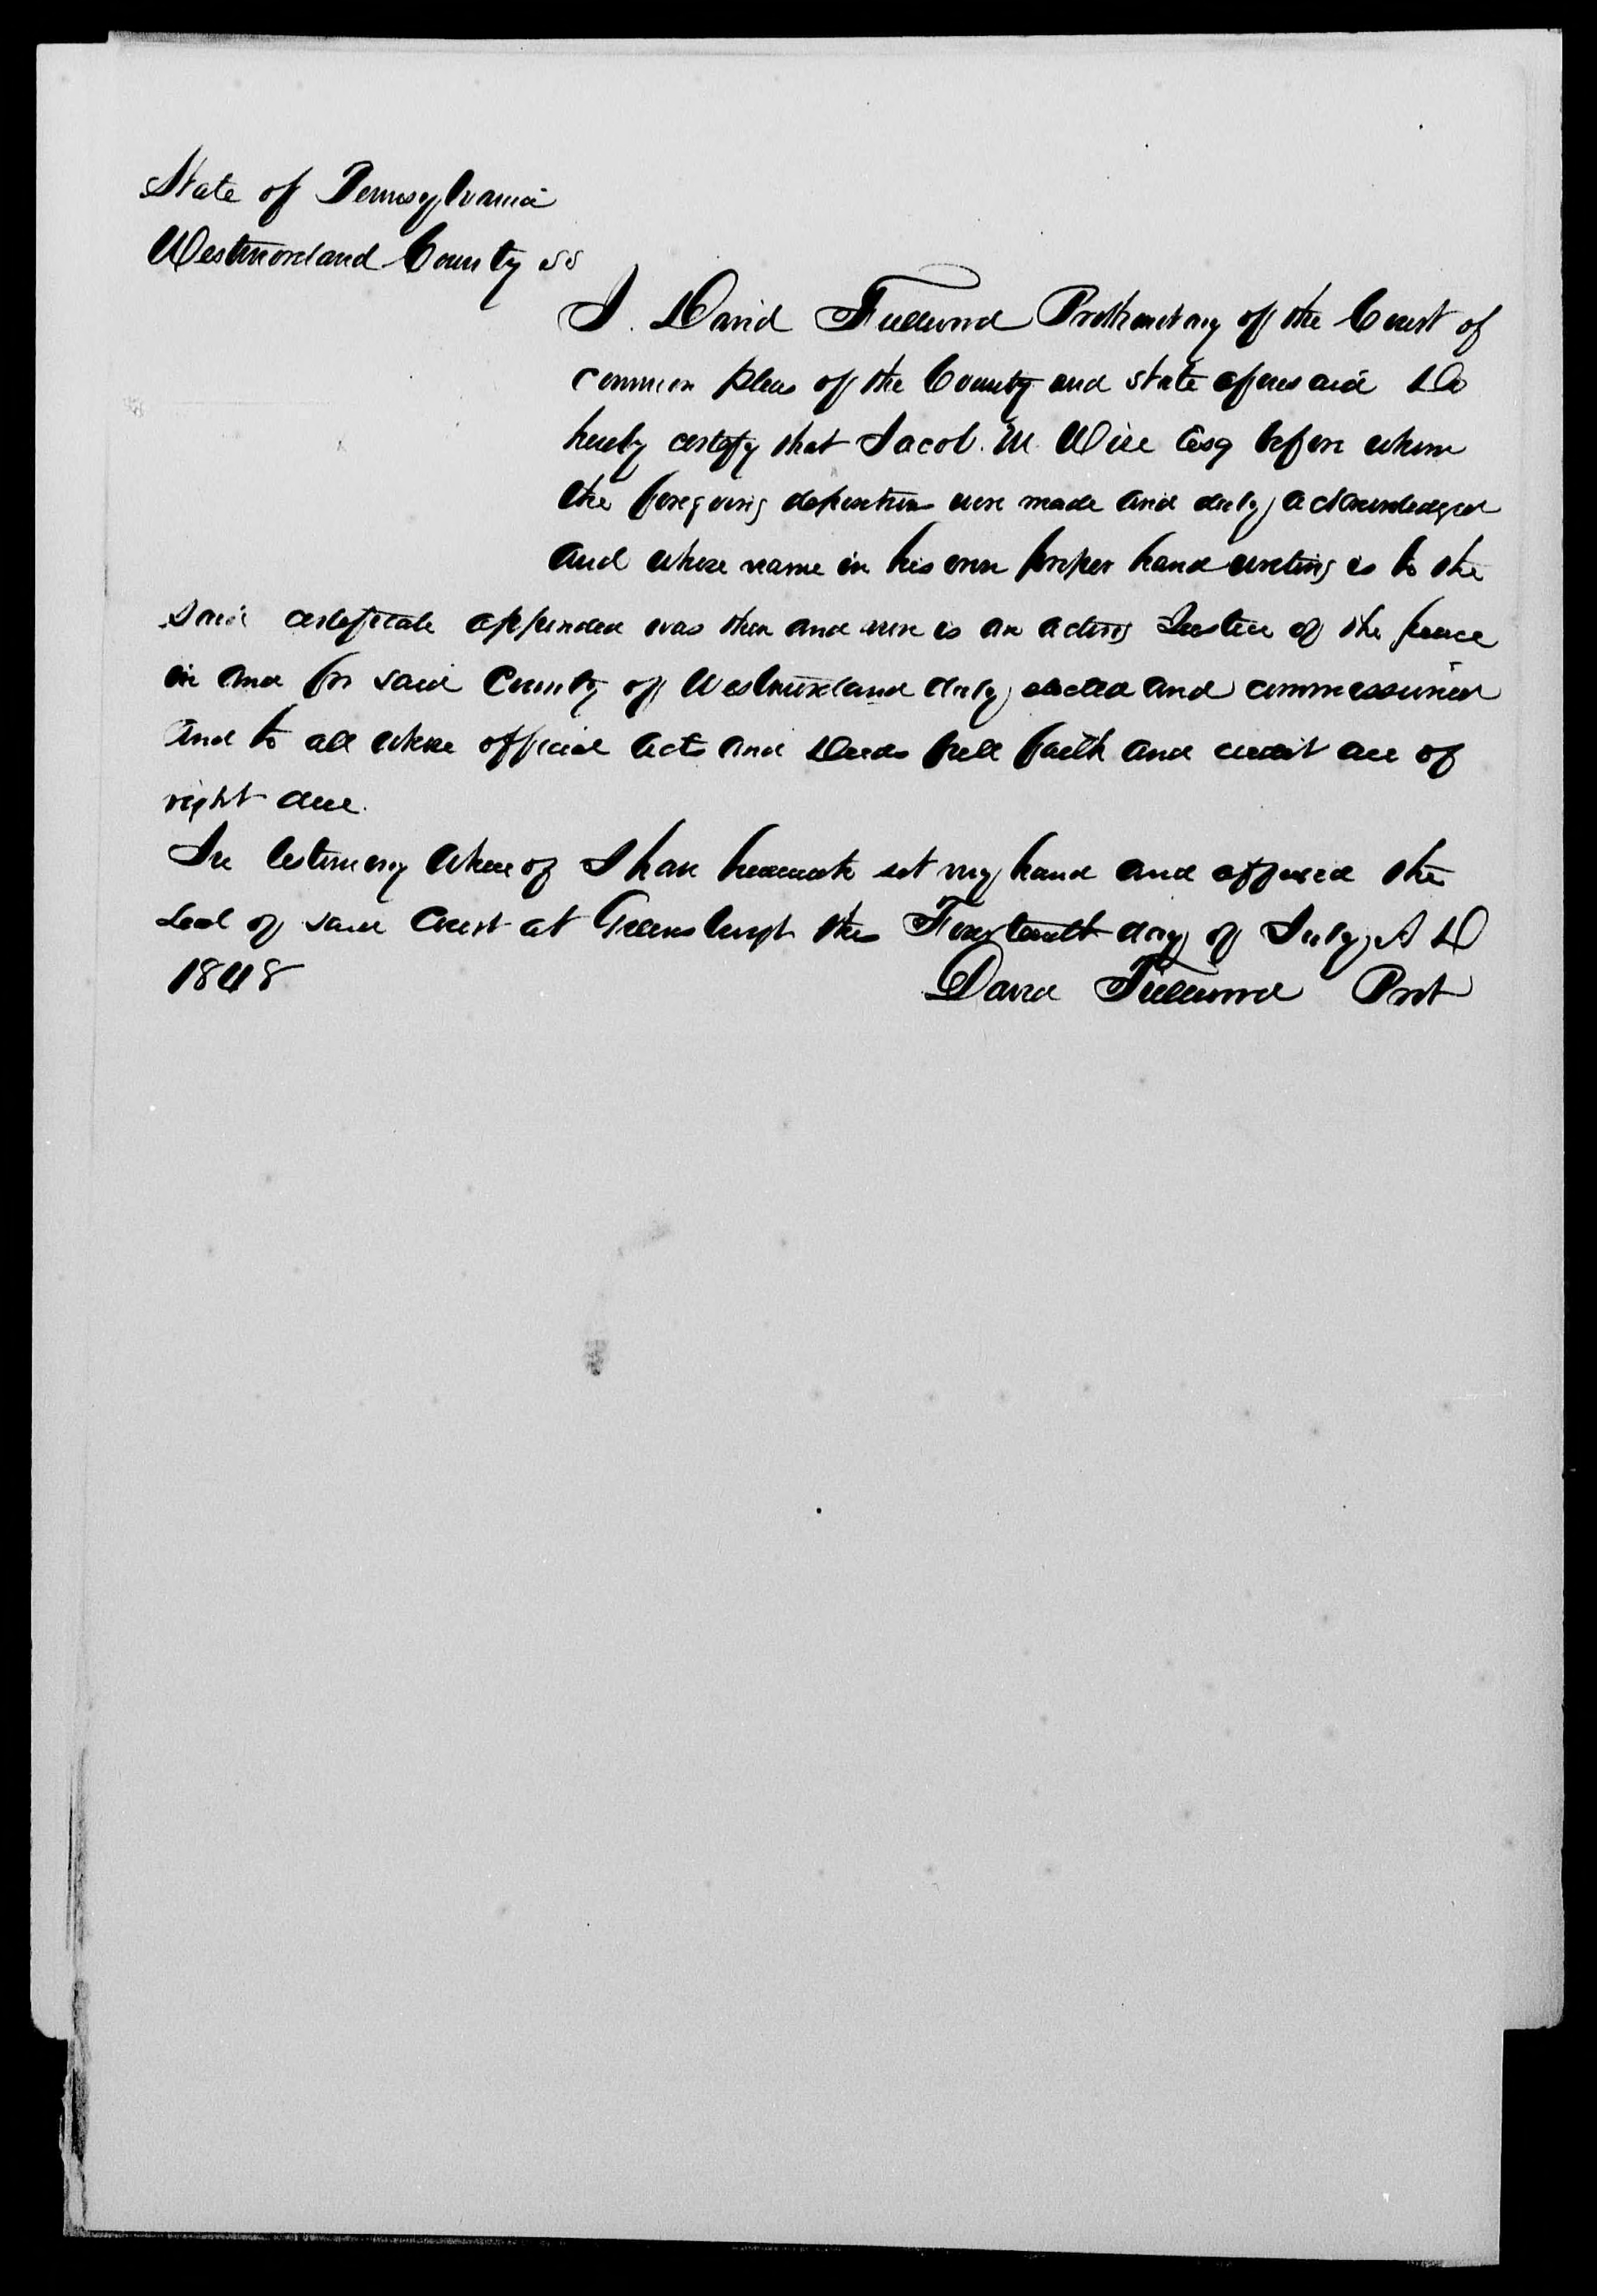State of Pennsylvania
Westmoreland County ss
I, David Fullwood Prothonotary of the Court of common pleas of the county and state aforesaid Do hereby certify that Jacob M. Wise Esq before whom the foregoing deposition was made and duly acknowledged and whose name in his own proper hand writing is to the said certificate appended was then and now is an acting Justice of the Peace in and for said County of Westmoreland duly called and commissioned and to all whose official acts and Deeds full faith and credit are of right due.
In testimony whereof I have hereunto set my hand and affixed the seal of said Court at Greensburgh This tenth day of July AD 1848
David Fullwood Prt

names: David Fullwood, David Fullwood, Jacob M Wise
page: 55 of 83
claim: widow's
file: W. 5946, John Brandon, Penn